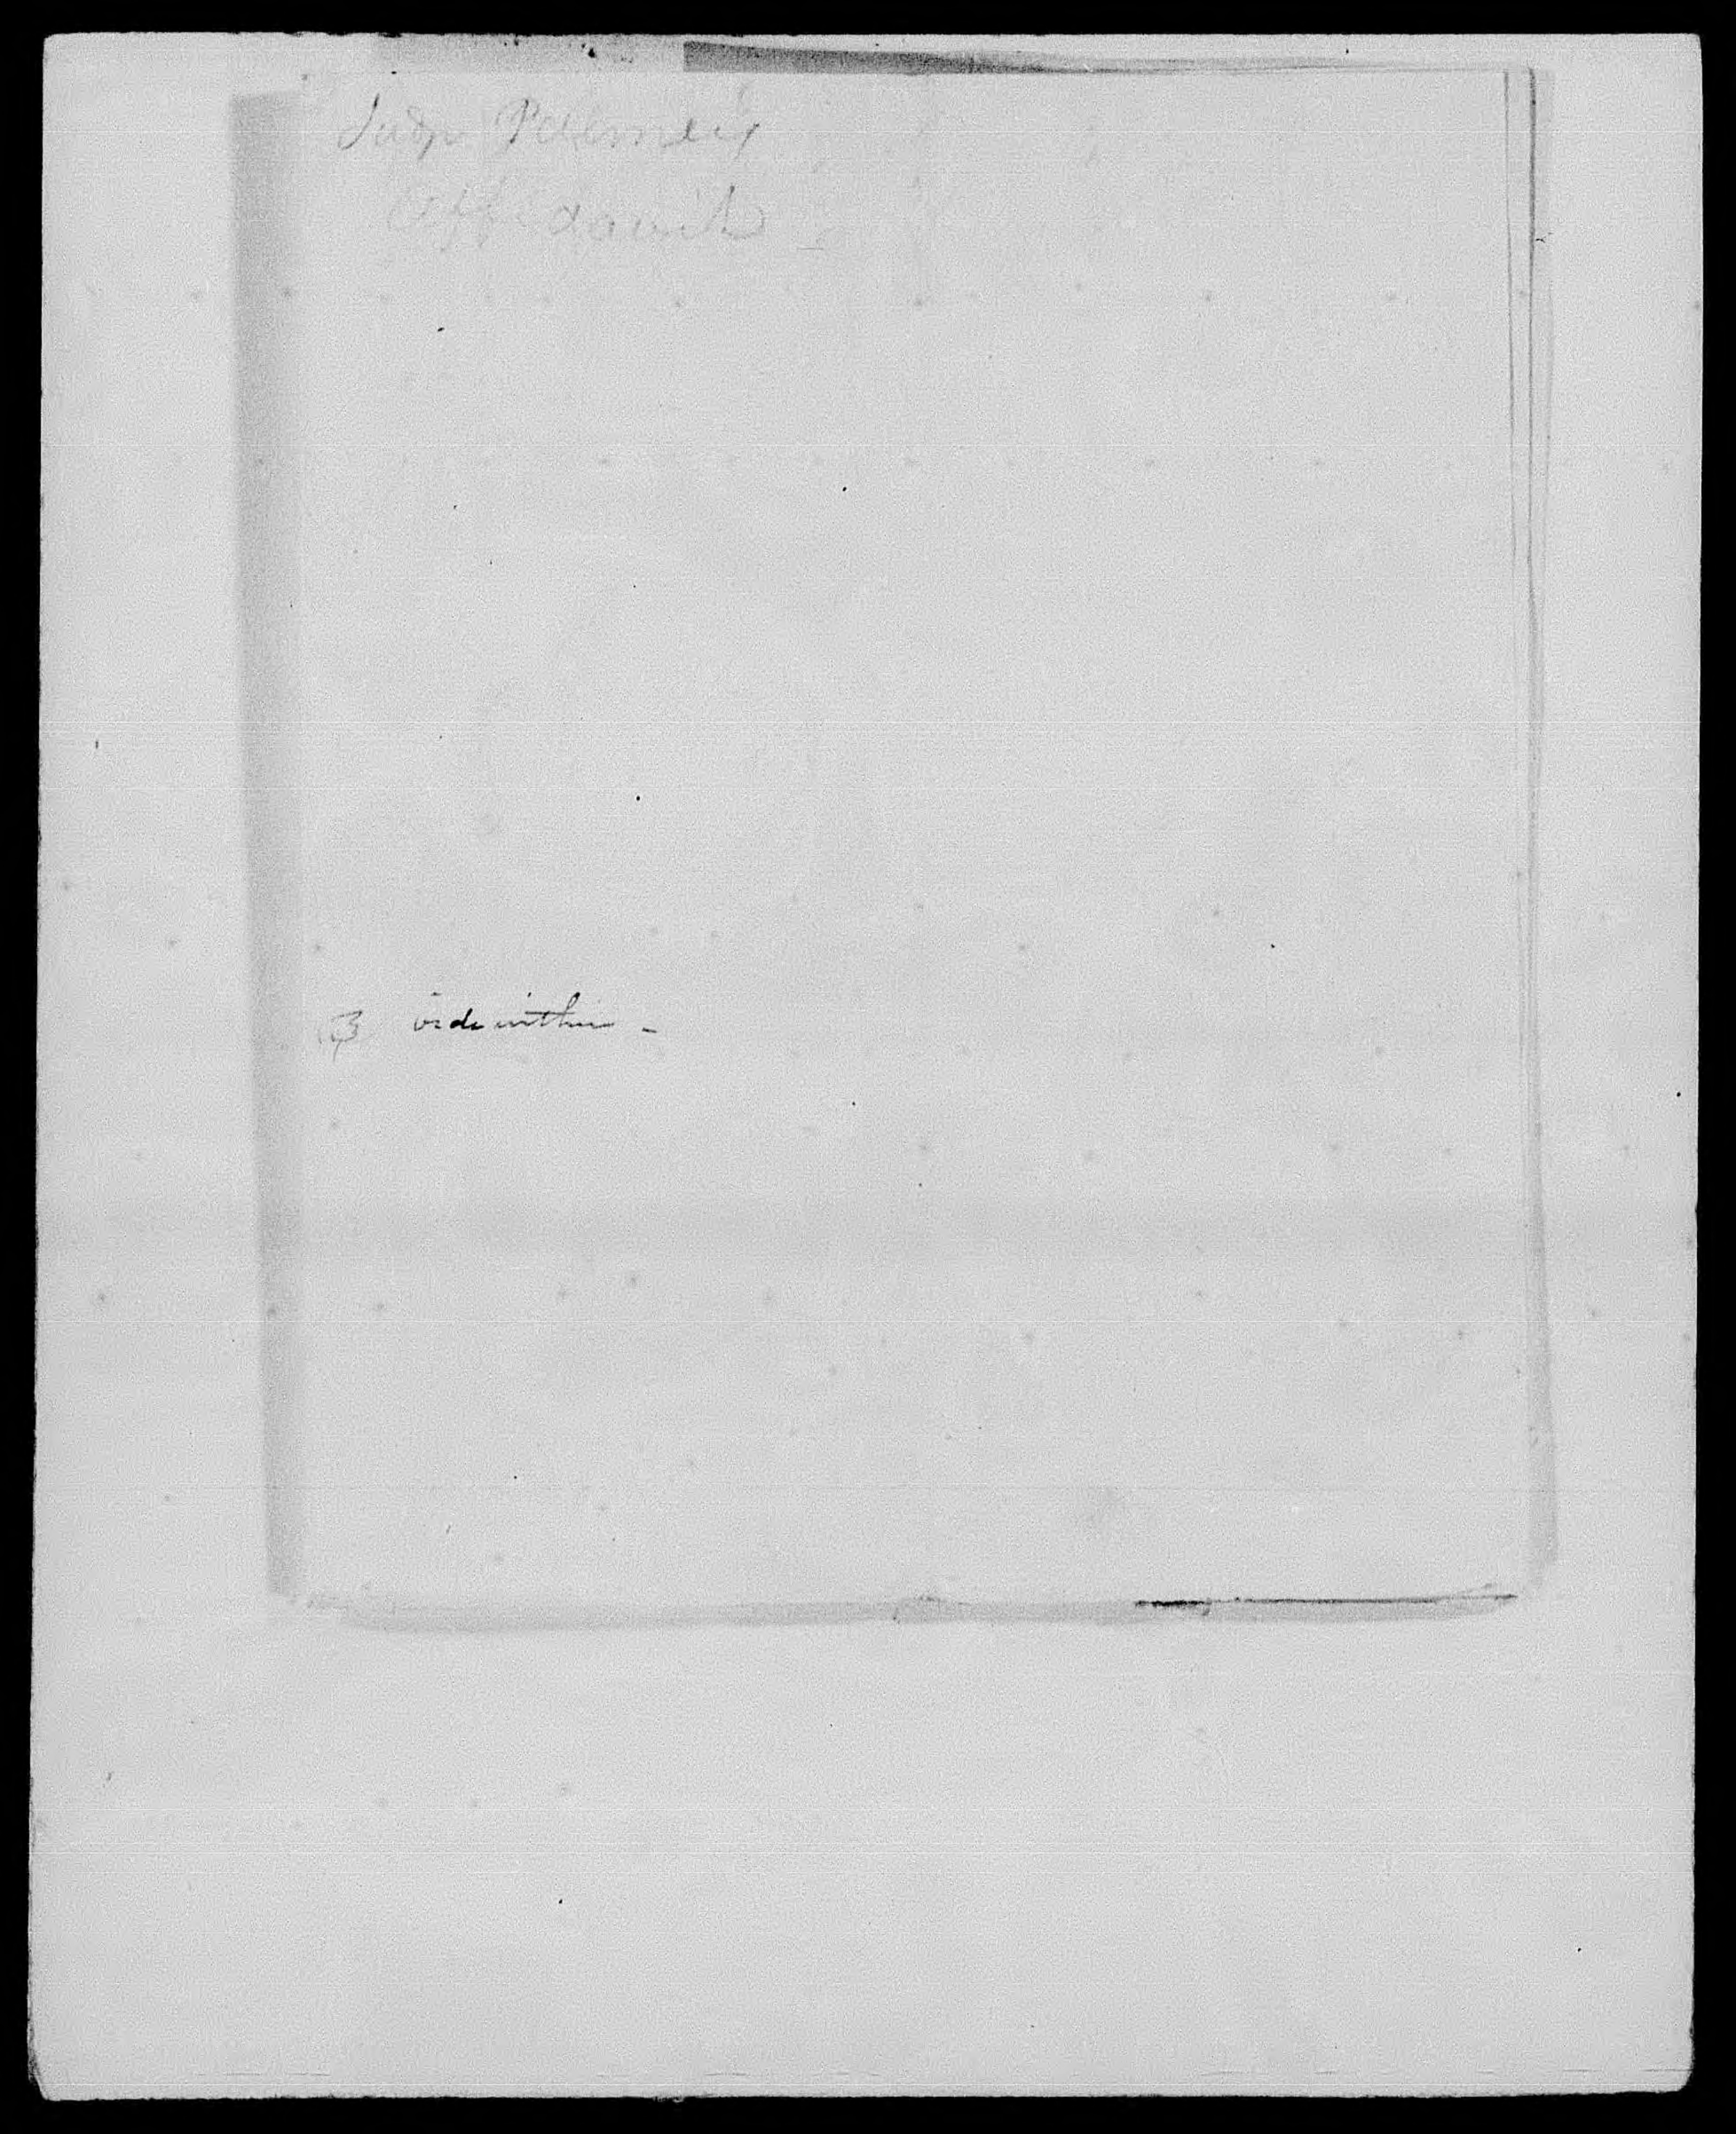Judge Pollmey
Affidavit

vide inthin -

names: Palmer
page: 30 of 46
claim: widow's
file: W. 23022, Thomas Farr, N.H.